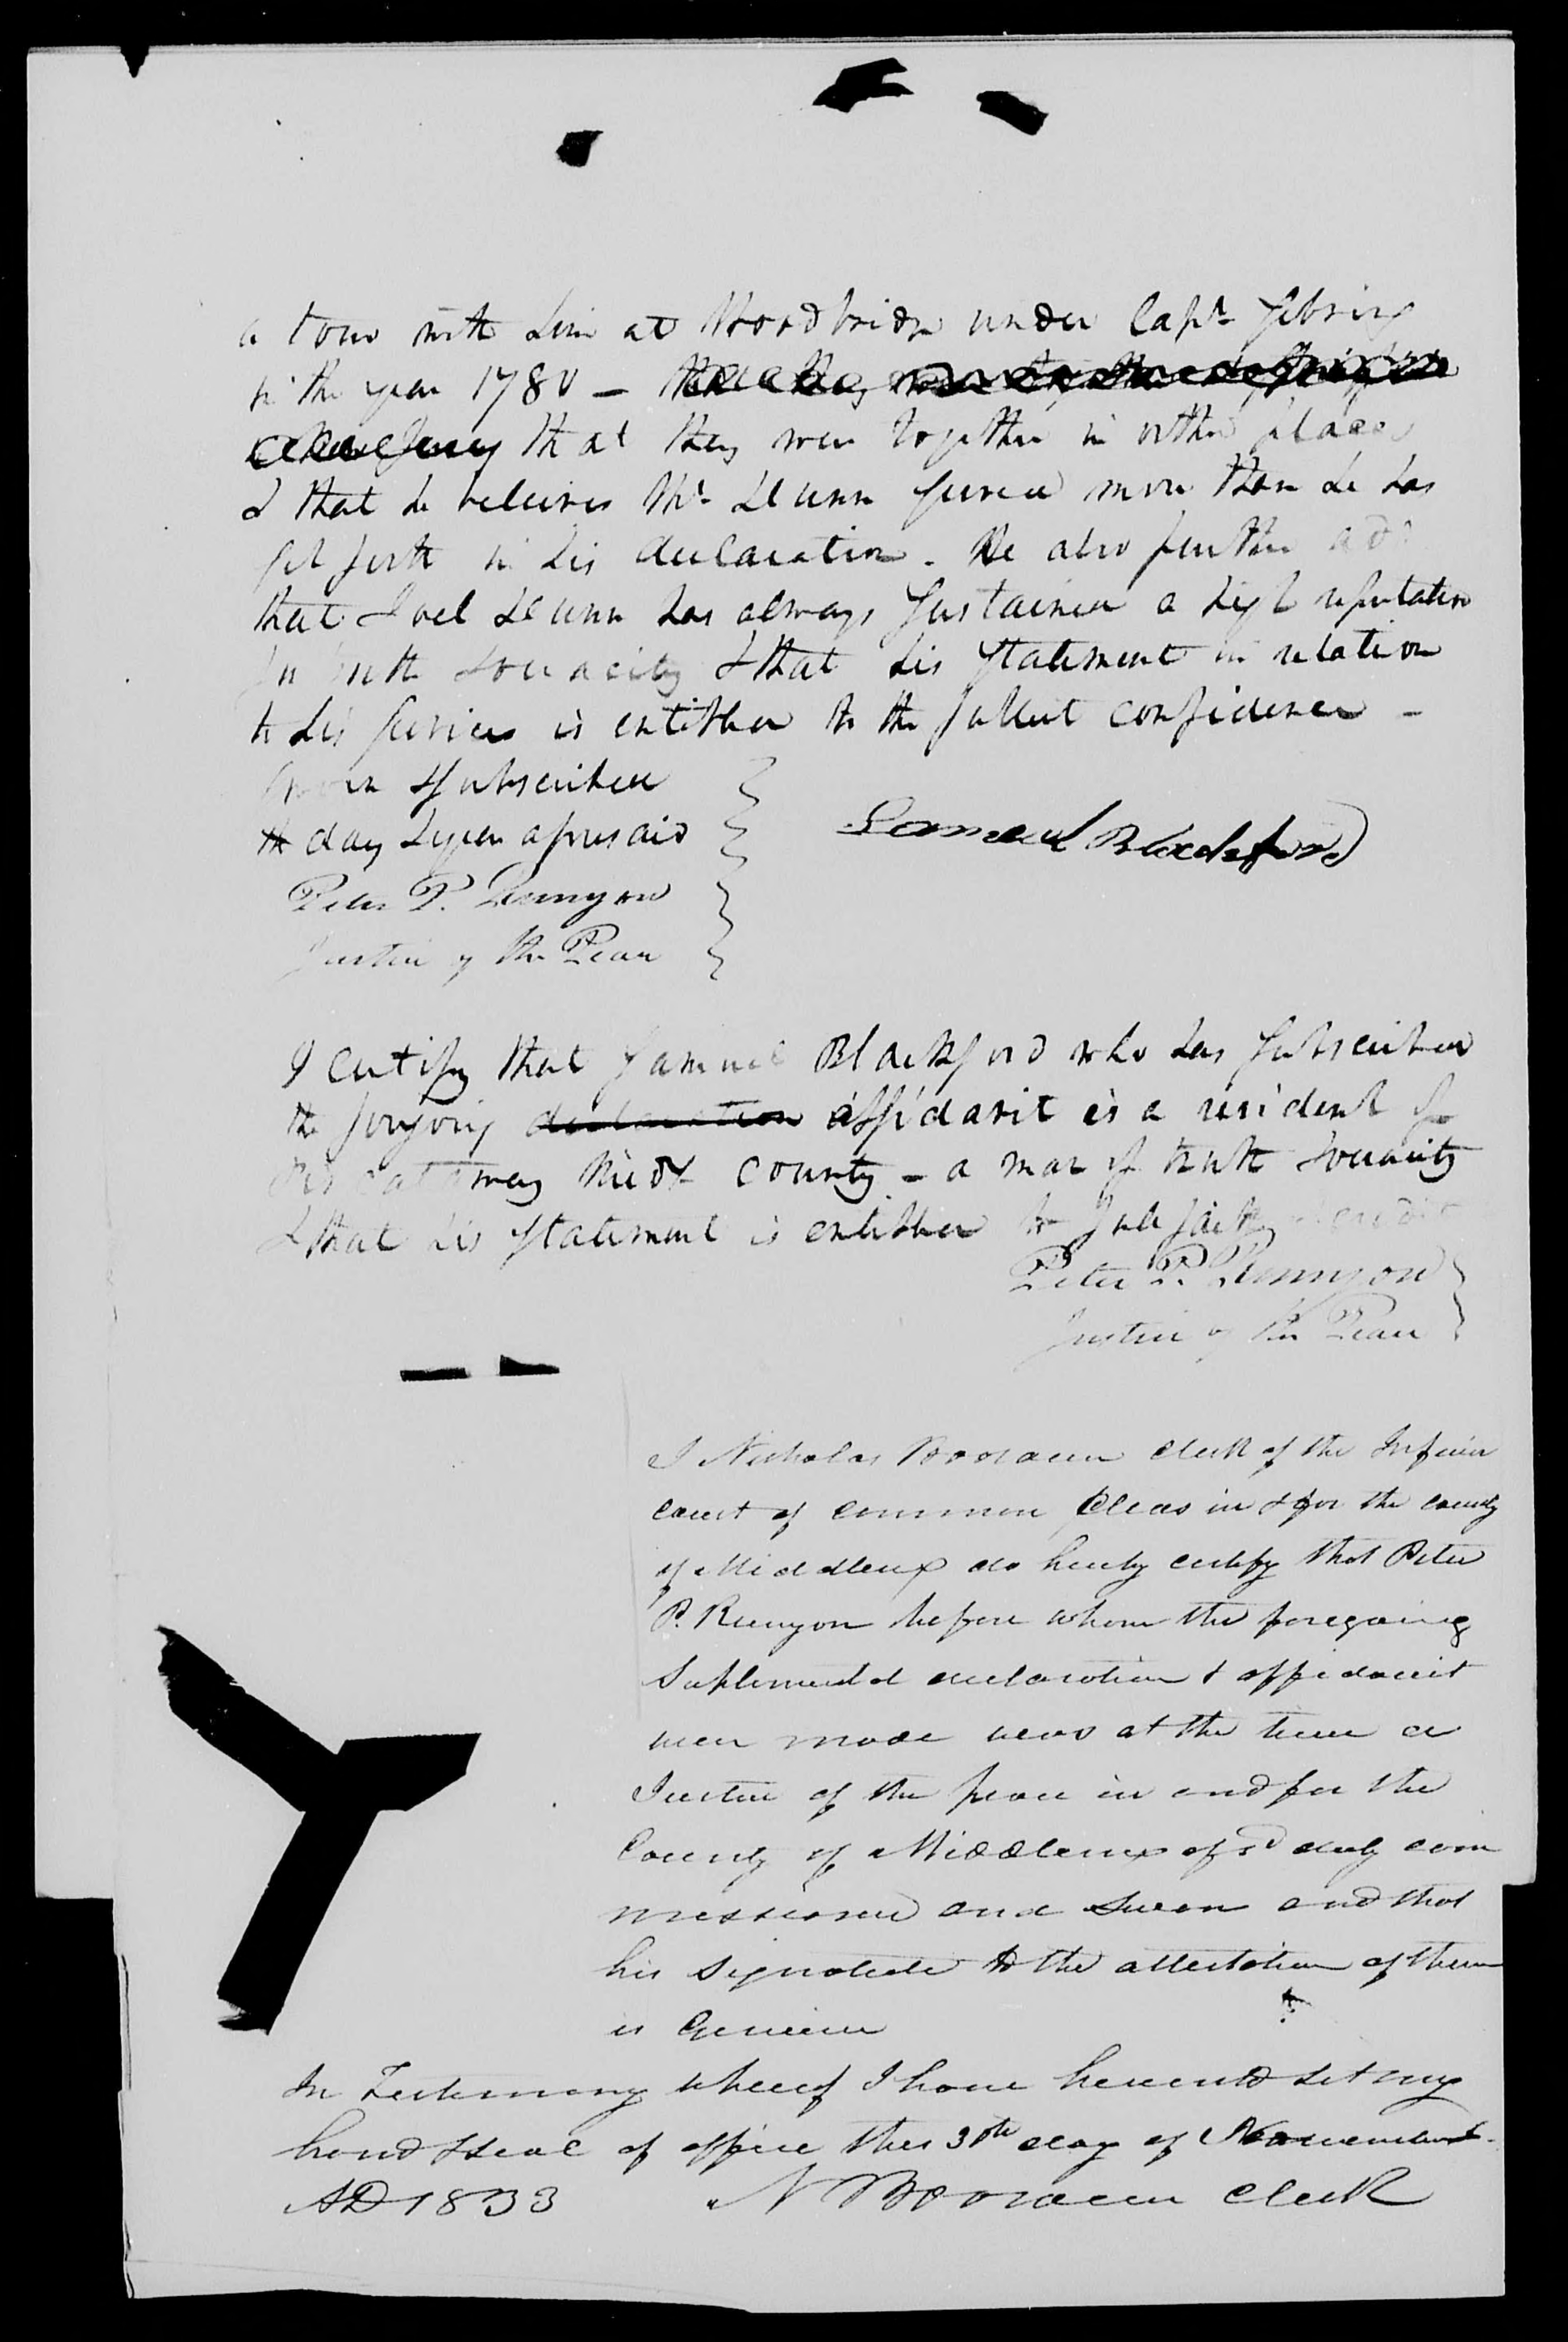a tour with him at Woodbridge under Capt Sebring in the year 1780- that they were together in other places & that he believes Mr. Dunn served more than he has set forth in his declaration. He also further adds that Joel Dunn has always sustained a high reputation for 
veracity & that his statement in relation to his services is entitled to the fullest confidence-  
Samuel Blackford

Sworn & subscribed
the day & year aforesaid
Peter P. Runyon
Justice of the Peace

I certify that Samuel Blackford who has subscribed the foregoing ['declaration' crossed out] affidavit is a resident of Piscataway Midsx County-  a man of truth & veracity & that his statement is entitled to full faith & credit
Peter P. Runyon
Justice of the Peace

I Nicholas Booraem Clerk of the Inferior Court of Common Pleas in & for the County of Middlesex do hereby certify that Peter P. Runyon before whom the foregoing Supplemental declaration & affidavit been made was at the time a Justice of the peace in and for the County of Middlesex afsd duly commissioned and sworn and that
his signature to the attestation of them is Genuine
[seal affixed at left]
In Testimony whereof I have hereunto set my
hand & seal of office this 30th day of November
AD 1833
N Booraem Clerk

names: Nicholas Booraem, Dunn, Samuel Blackford, Peter P Runyon, Peter P Runyon, Joel Dunn, Peter P Runyon, Samuel Blackford, N Booraem, Sebring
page: 36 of 52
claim: widow's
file: W. 919, Joel Dunn, New Jersey